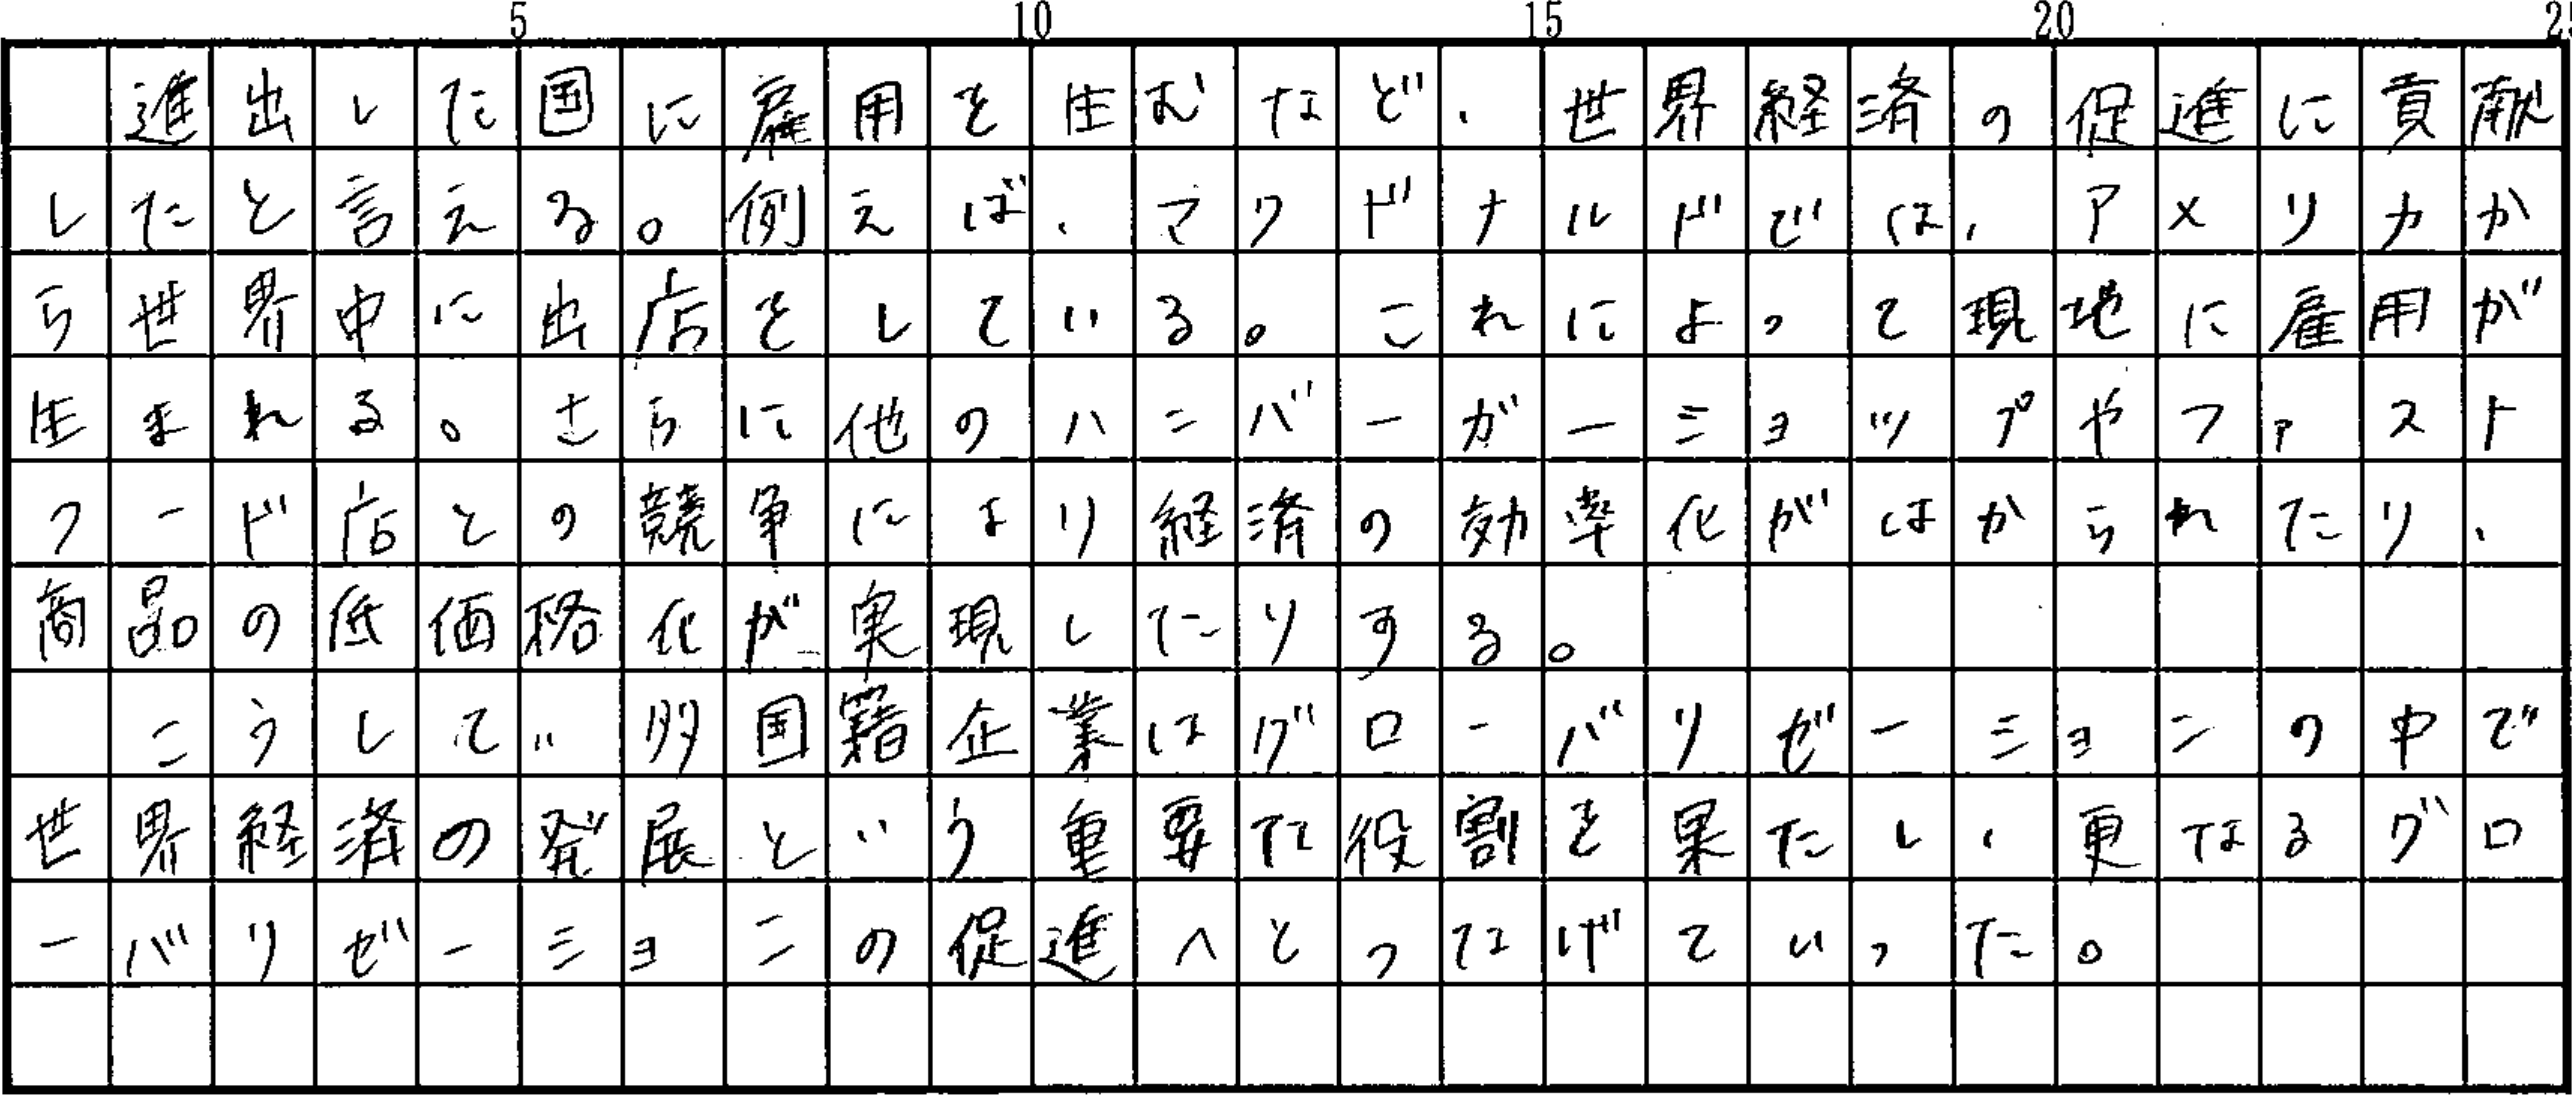　進出した国に雇用を生むなど、世界経済の促進に貢献したと言える。例えば、マクドナルドでは、アメリカから世界中に出店をしている。これによって現地に雇用が生まれる。さらに他のハンバーガーショップやファストフード店との競争により経済の効率化がはかられたり、商品の低価格化が実現したりする。
　こうして、多国籍企業はグローバリゼーションの中で世界経済の発展という重要な役割を果たし、更なるグローバリゼーションの促進へとつなげていった。
